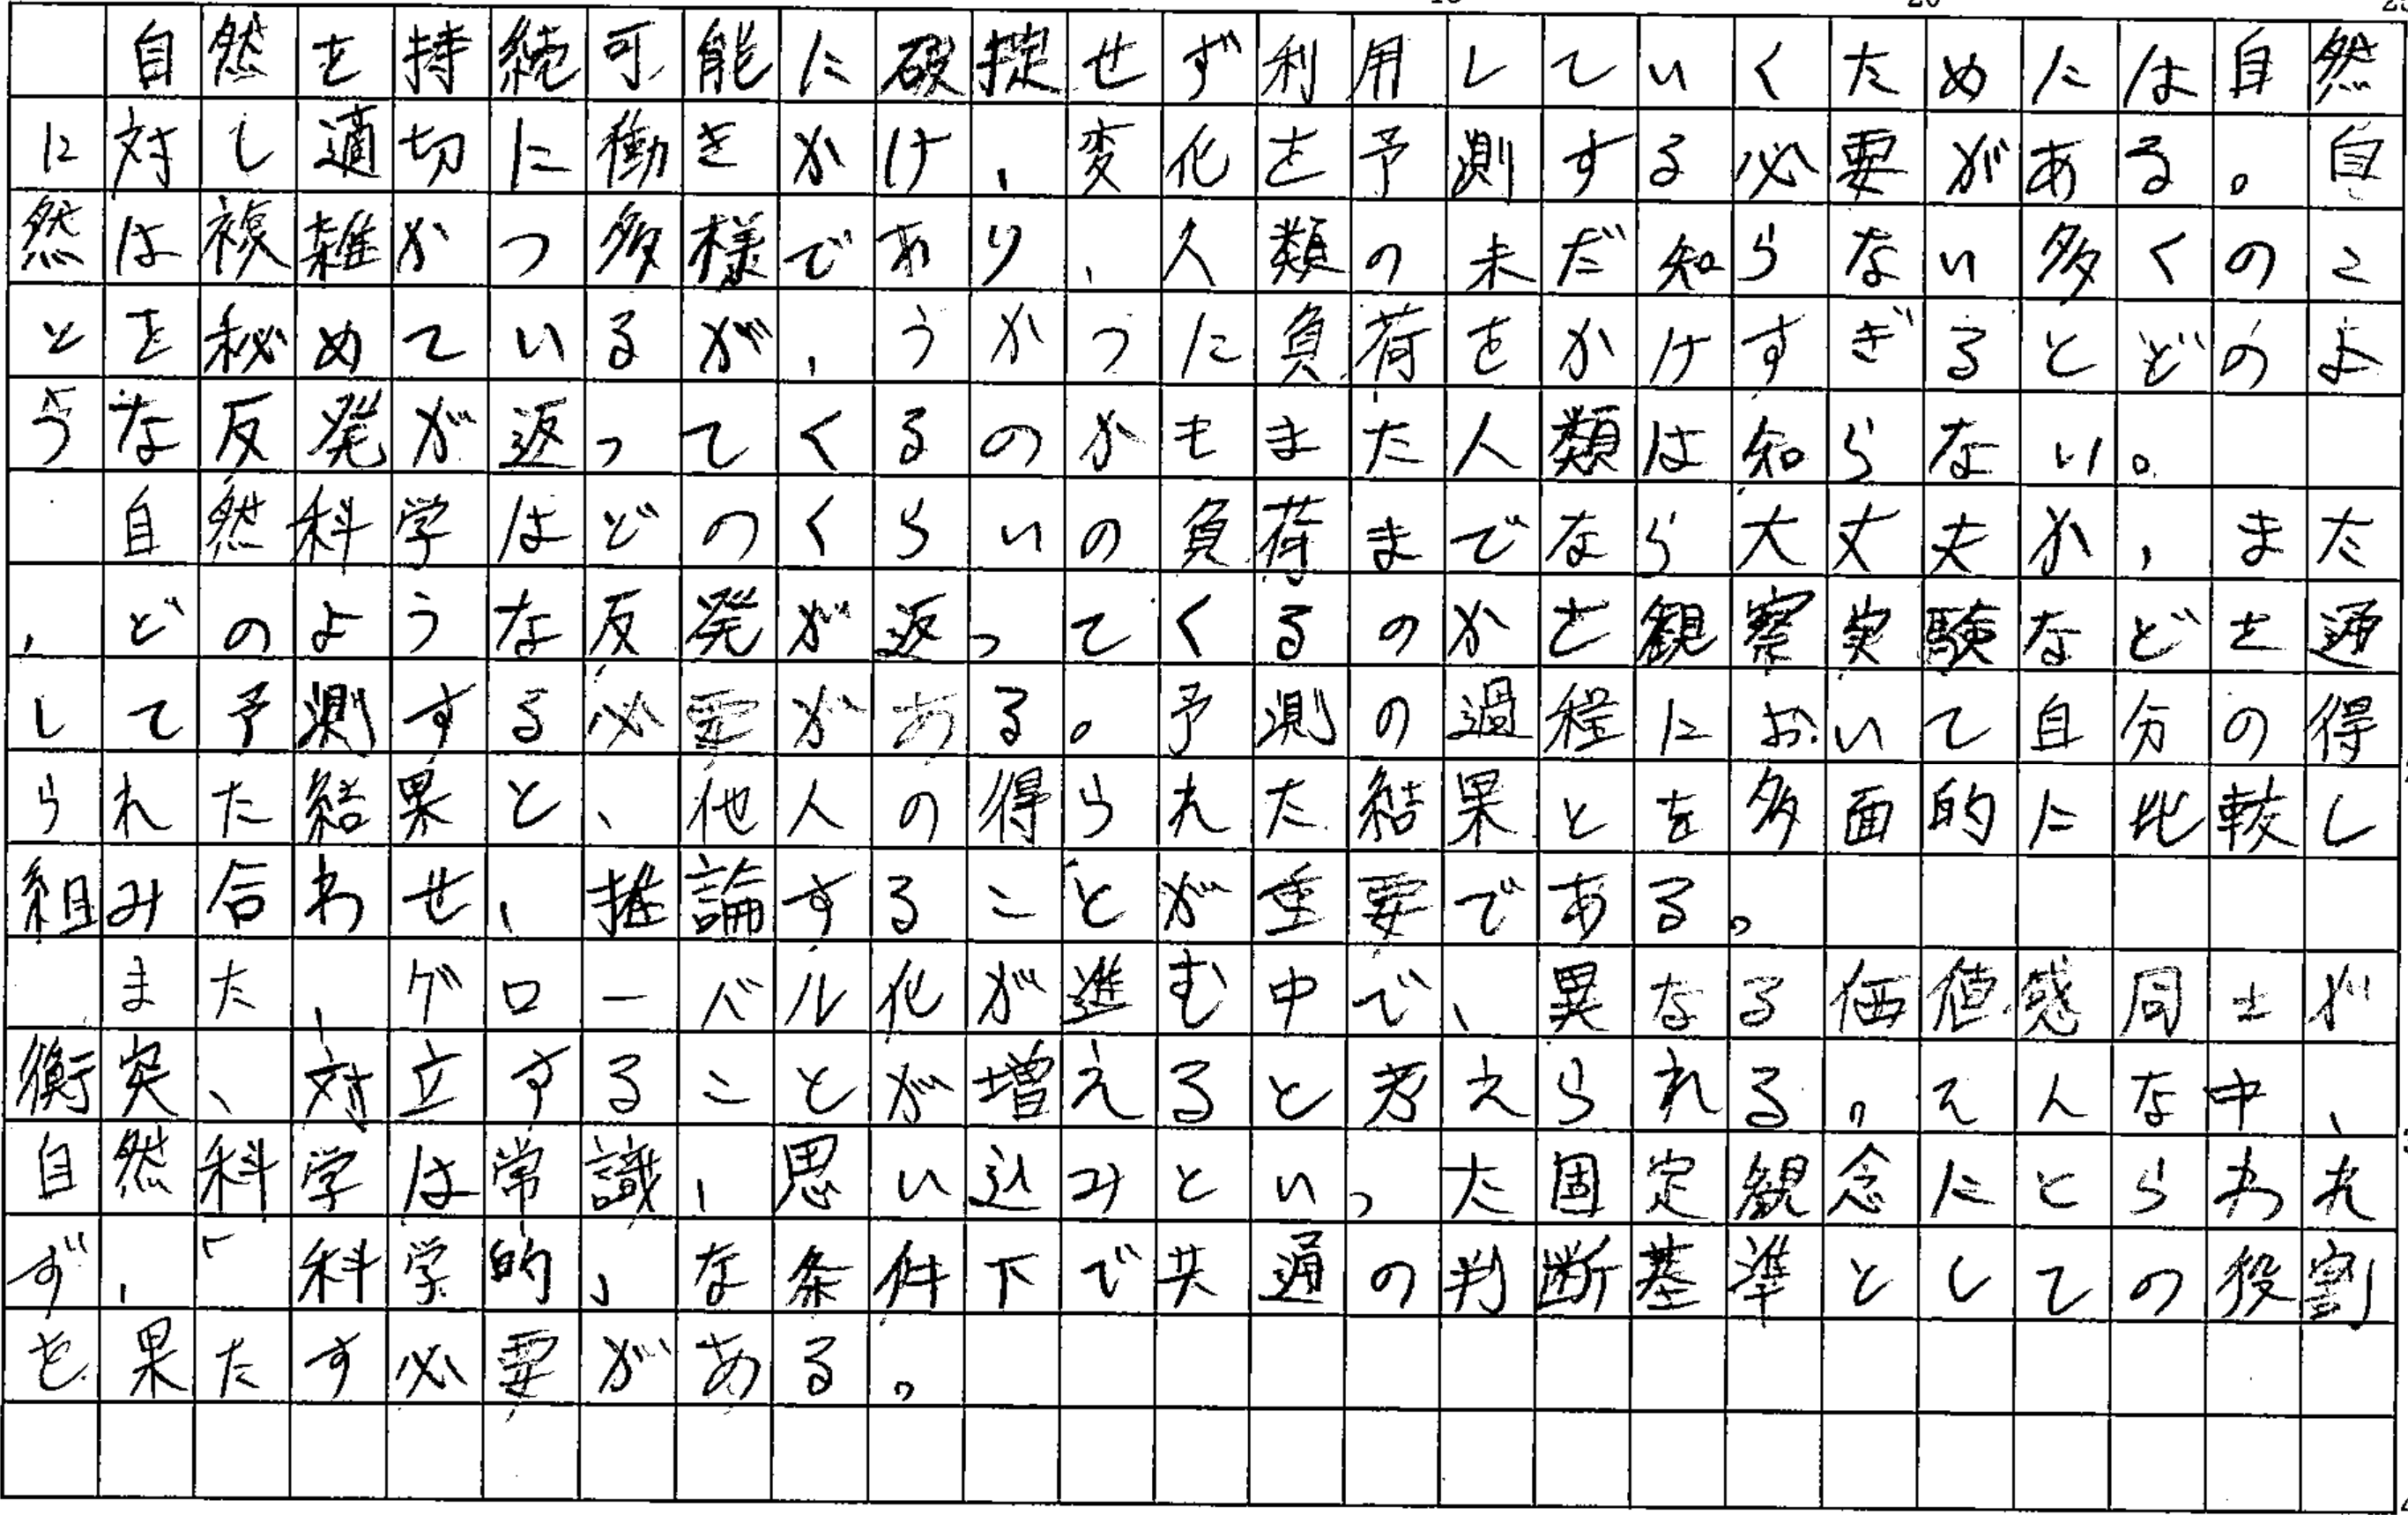　自然を持続可能に破掟せず利用していくためには自然に対し適切に働きかけ、変化を予測する必要がある。自然は複雑かつ多様であり、人類の未だ知らない多くのことを秘めているが、うかつに負荷をかけすぎるとどのような反発が返ってくるのかもまた人類は知らない。
　自然科学はどのくらいの負荷までなら大丈夫か、また、どのような反発が返ってくるのかを観察実験などを通して予測する必要がある。予測の過程において自分の得られた結果と、他人の得られた結果とを多面的に比較し組み合わせ、推論することが重要である。
　また、グローバル化が進む中で、異なる価値感同士が衡突、対立することが増えると考えられる。そんな中、自然科学は常識、思い込みといった固定観念にとらわれず、「科学的」な条件下で共通の判断基準としての役割を果たす必要がある。
